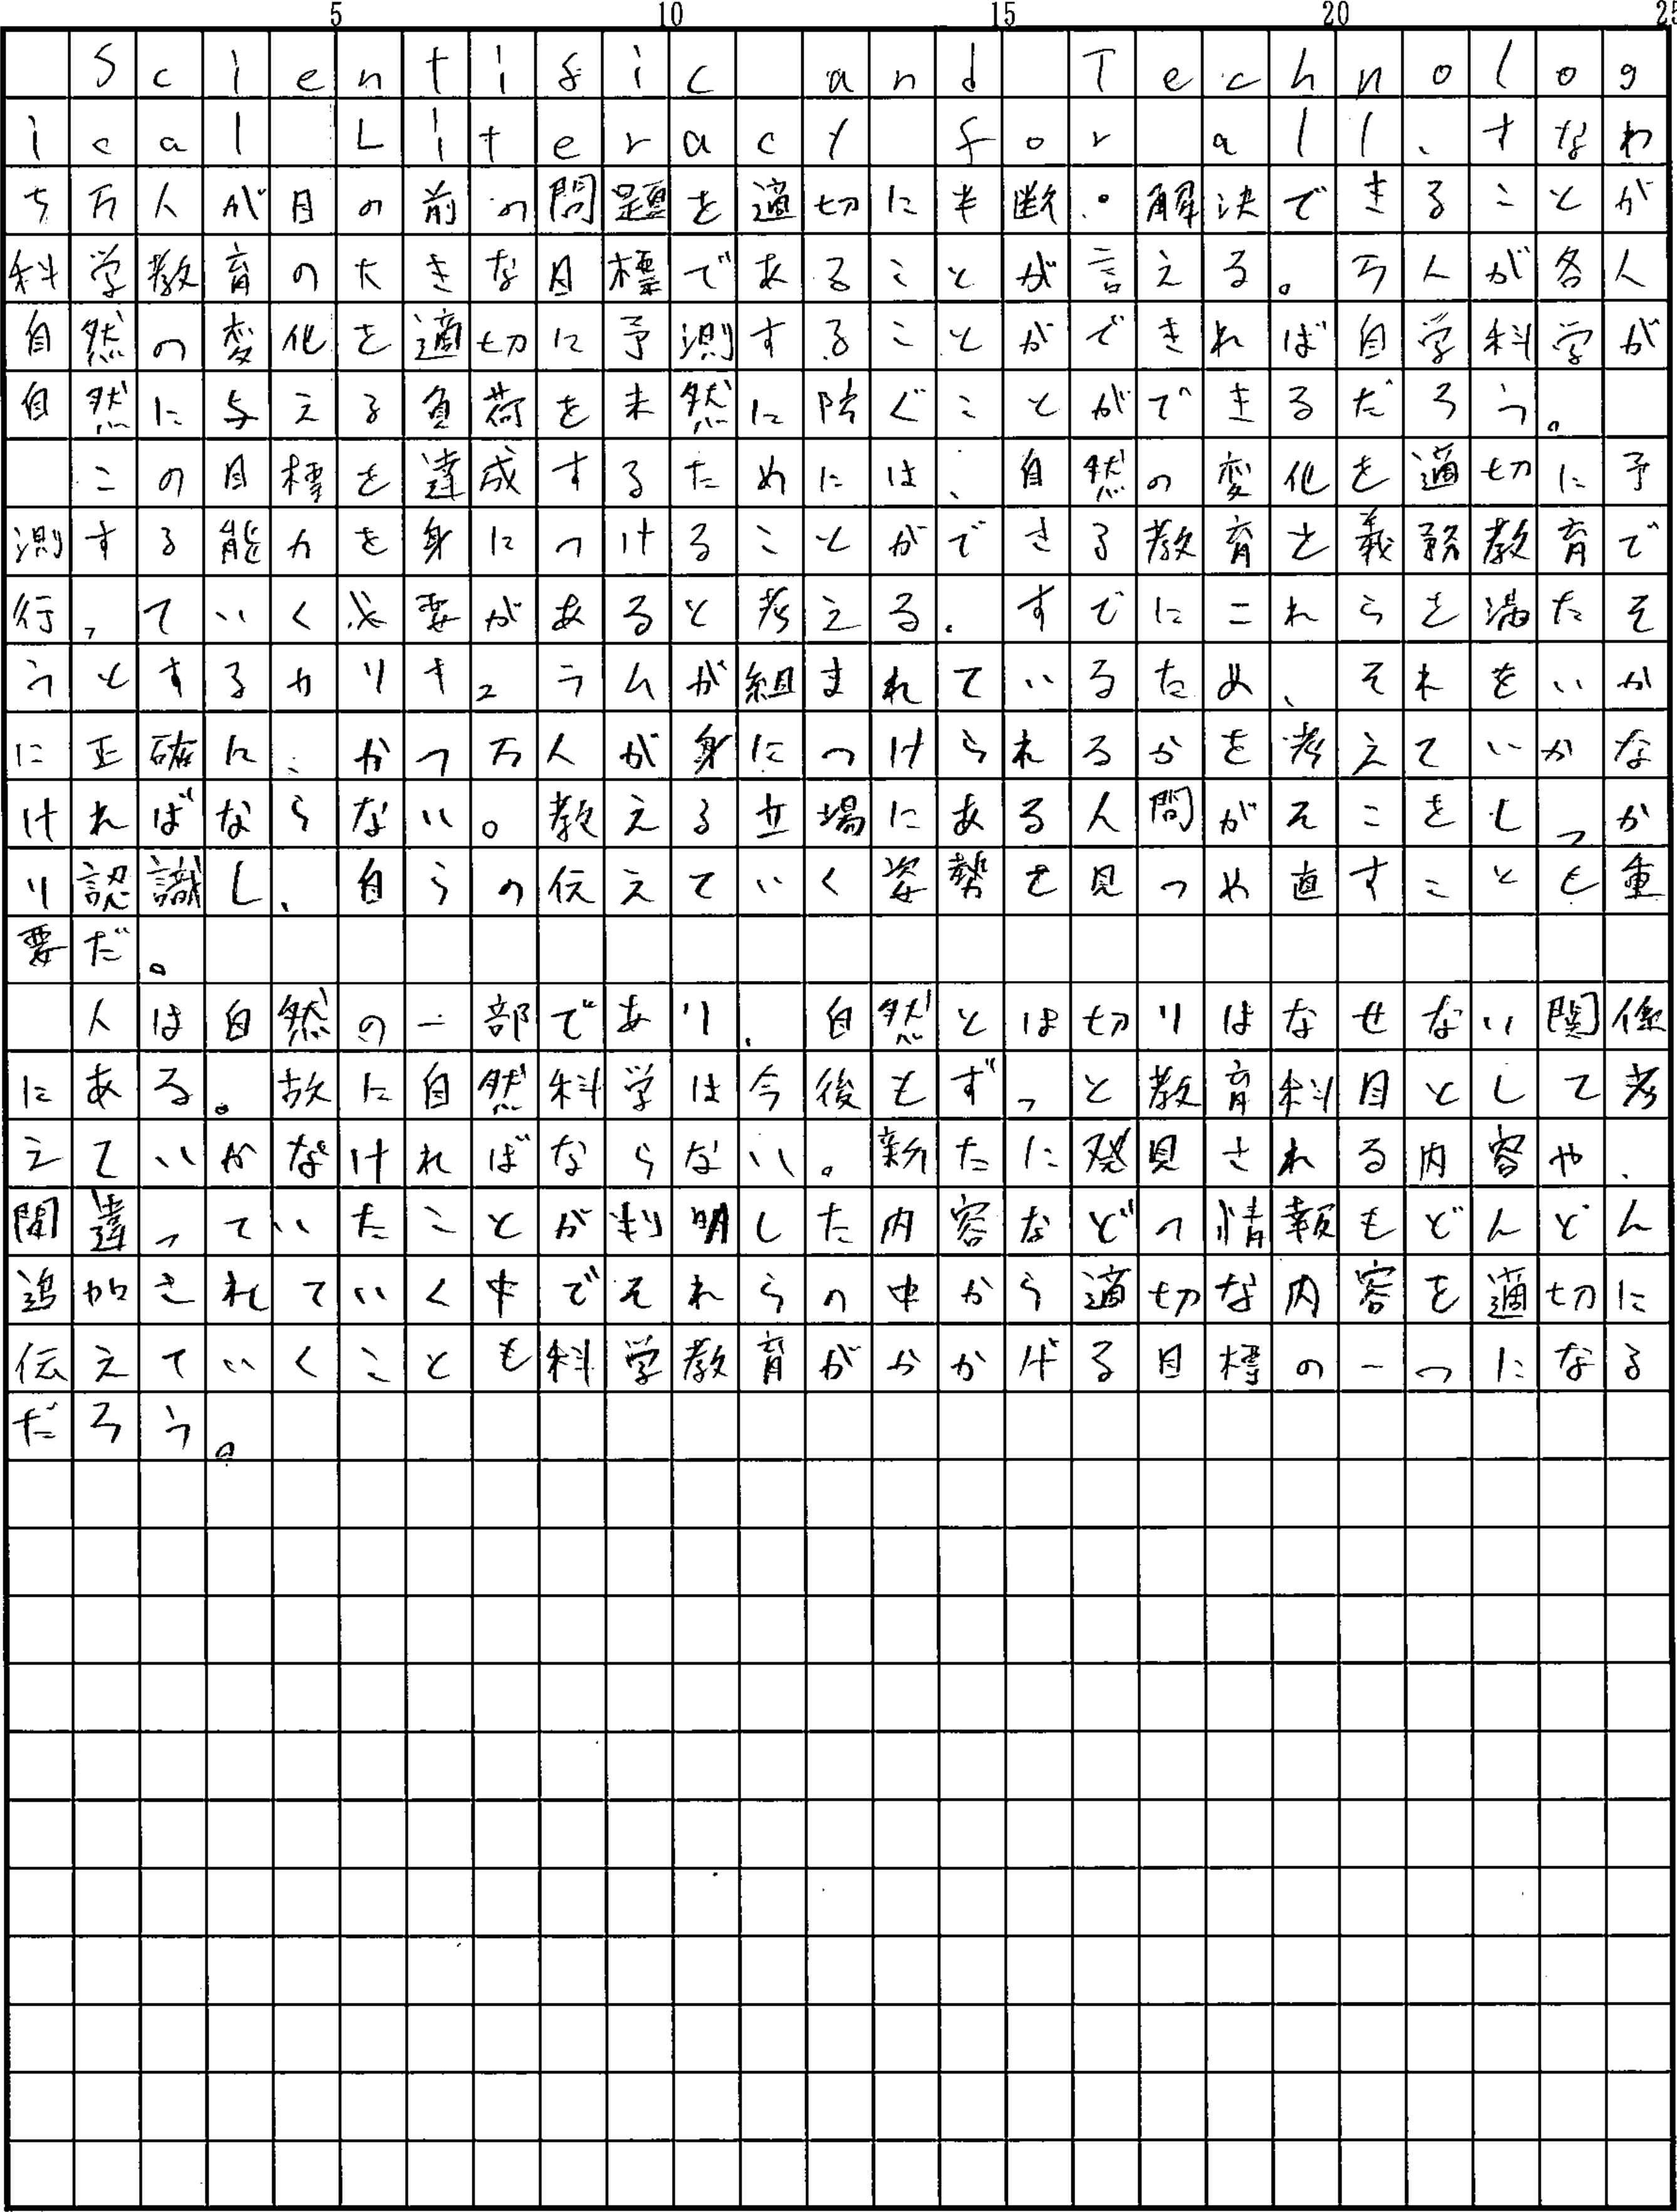　Ｓｃｉｅｎｔｉｆｉｃ　ａｎｄ　Ｔｅｃｈｎｏｌｏｇｉｃａｌ　Ｌｉｔｅｒａｃｙ　ｆｏｒ　ａｌｌ、すなわち万人が目の前の問題を適切に半▁・解決できることが科学教育の大きな目標であることが言える。万人が各人自然の変化を適切に予測することができれば自然科学が自然に与える負荷を未然に防ぐことができるだろう。
　この目標を達成するためには、自然の変化を適切に予測する能力を身につけることができる教育を義務教育で行っていく必要があると考える。すでにこれらを満たそうとするカリキュラムが組まれているため、それをいかに正確に、かつ万人が見につけられるかを考えていかなければならない。教える立場にある人間がそこをしっかり認識し、自らの伝えていく姿勢を見つめ直すことも重要だ。
　人は自然の一部であり、自然とは切りはなせない関係にある。故に自然科学は今後もずっと教育科目として考えていかなければならない。新たに発見される内容や、間違っていたことが判明した内容などの情報もどんどん追加されていく中でそれらの中から適切な内容を適切に伝えていくことも科学教育がかかげる目標の一つになるだろう。
